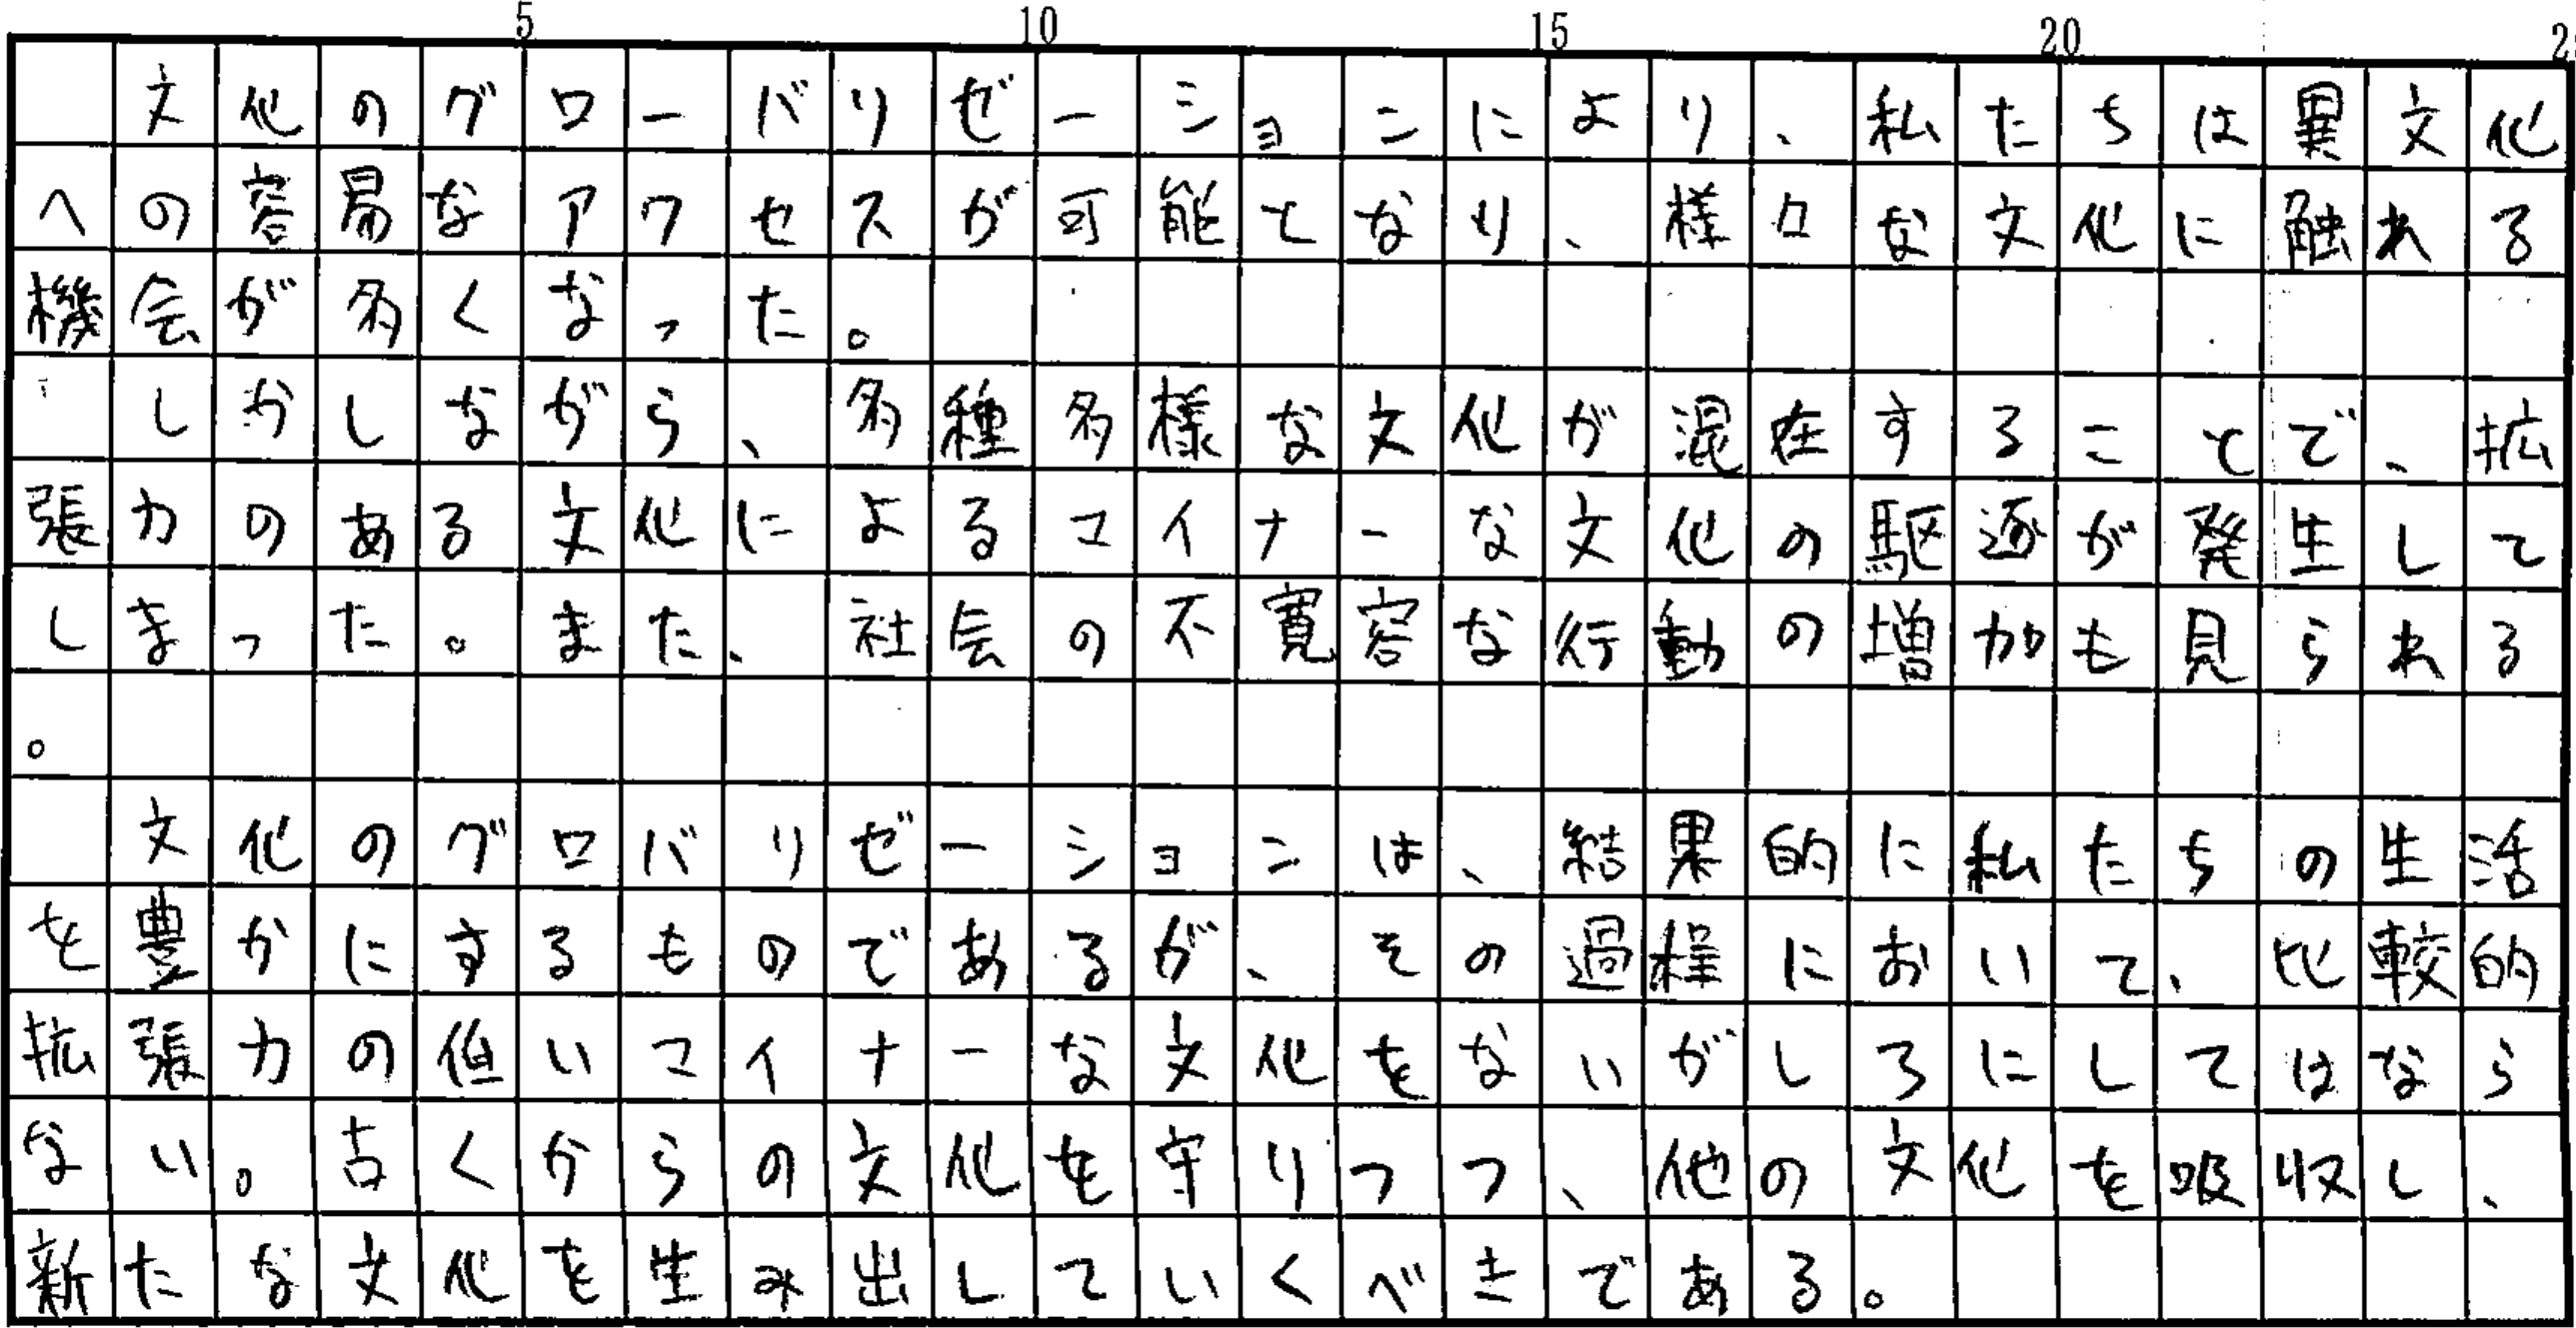　文化のグローバリゼーションにより、私たちは異文化への容易なアクセスが可能となり、様々な文化に触れる機会が多くなった。
　しかしながら、多種多様な文化が混在することで、拡張力のある文化によるマイナーな文化の駆逐が発生してしまった。また、社会の不寛容な行動の増加も見られる。
　文化のグロバリゼーションは、結果的に私たちの生活を豊かにするものであるが、その過程において、比較的拡張力の低いマイナーな文化をないがしろにしてはならない。古くからの文化を守りつつ、他の文化を吸収し、新たな文化を生み出していくべきである。
